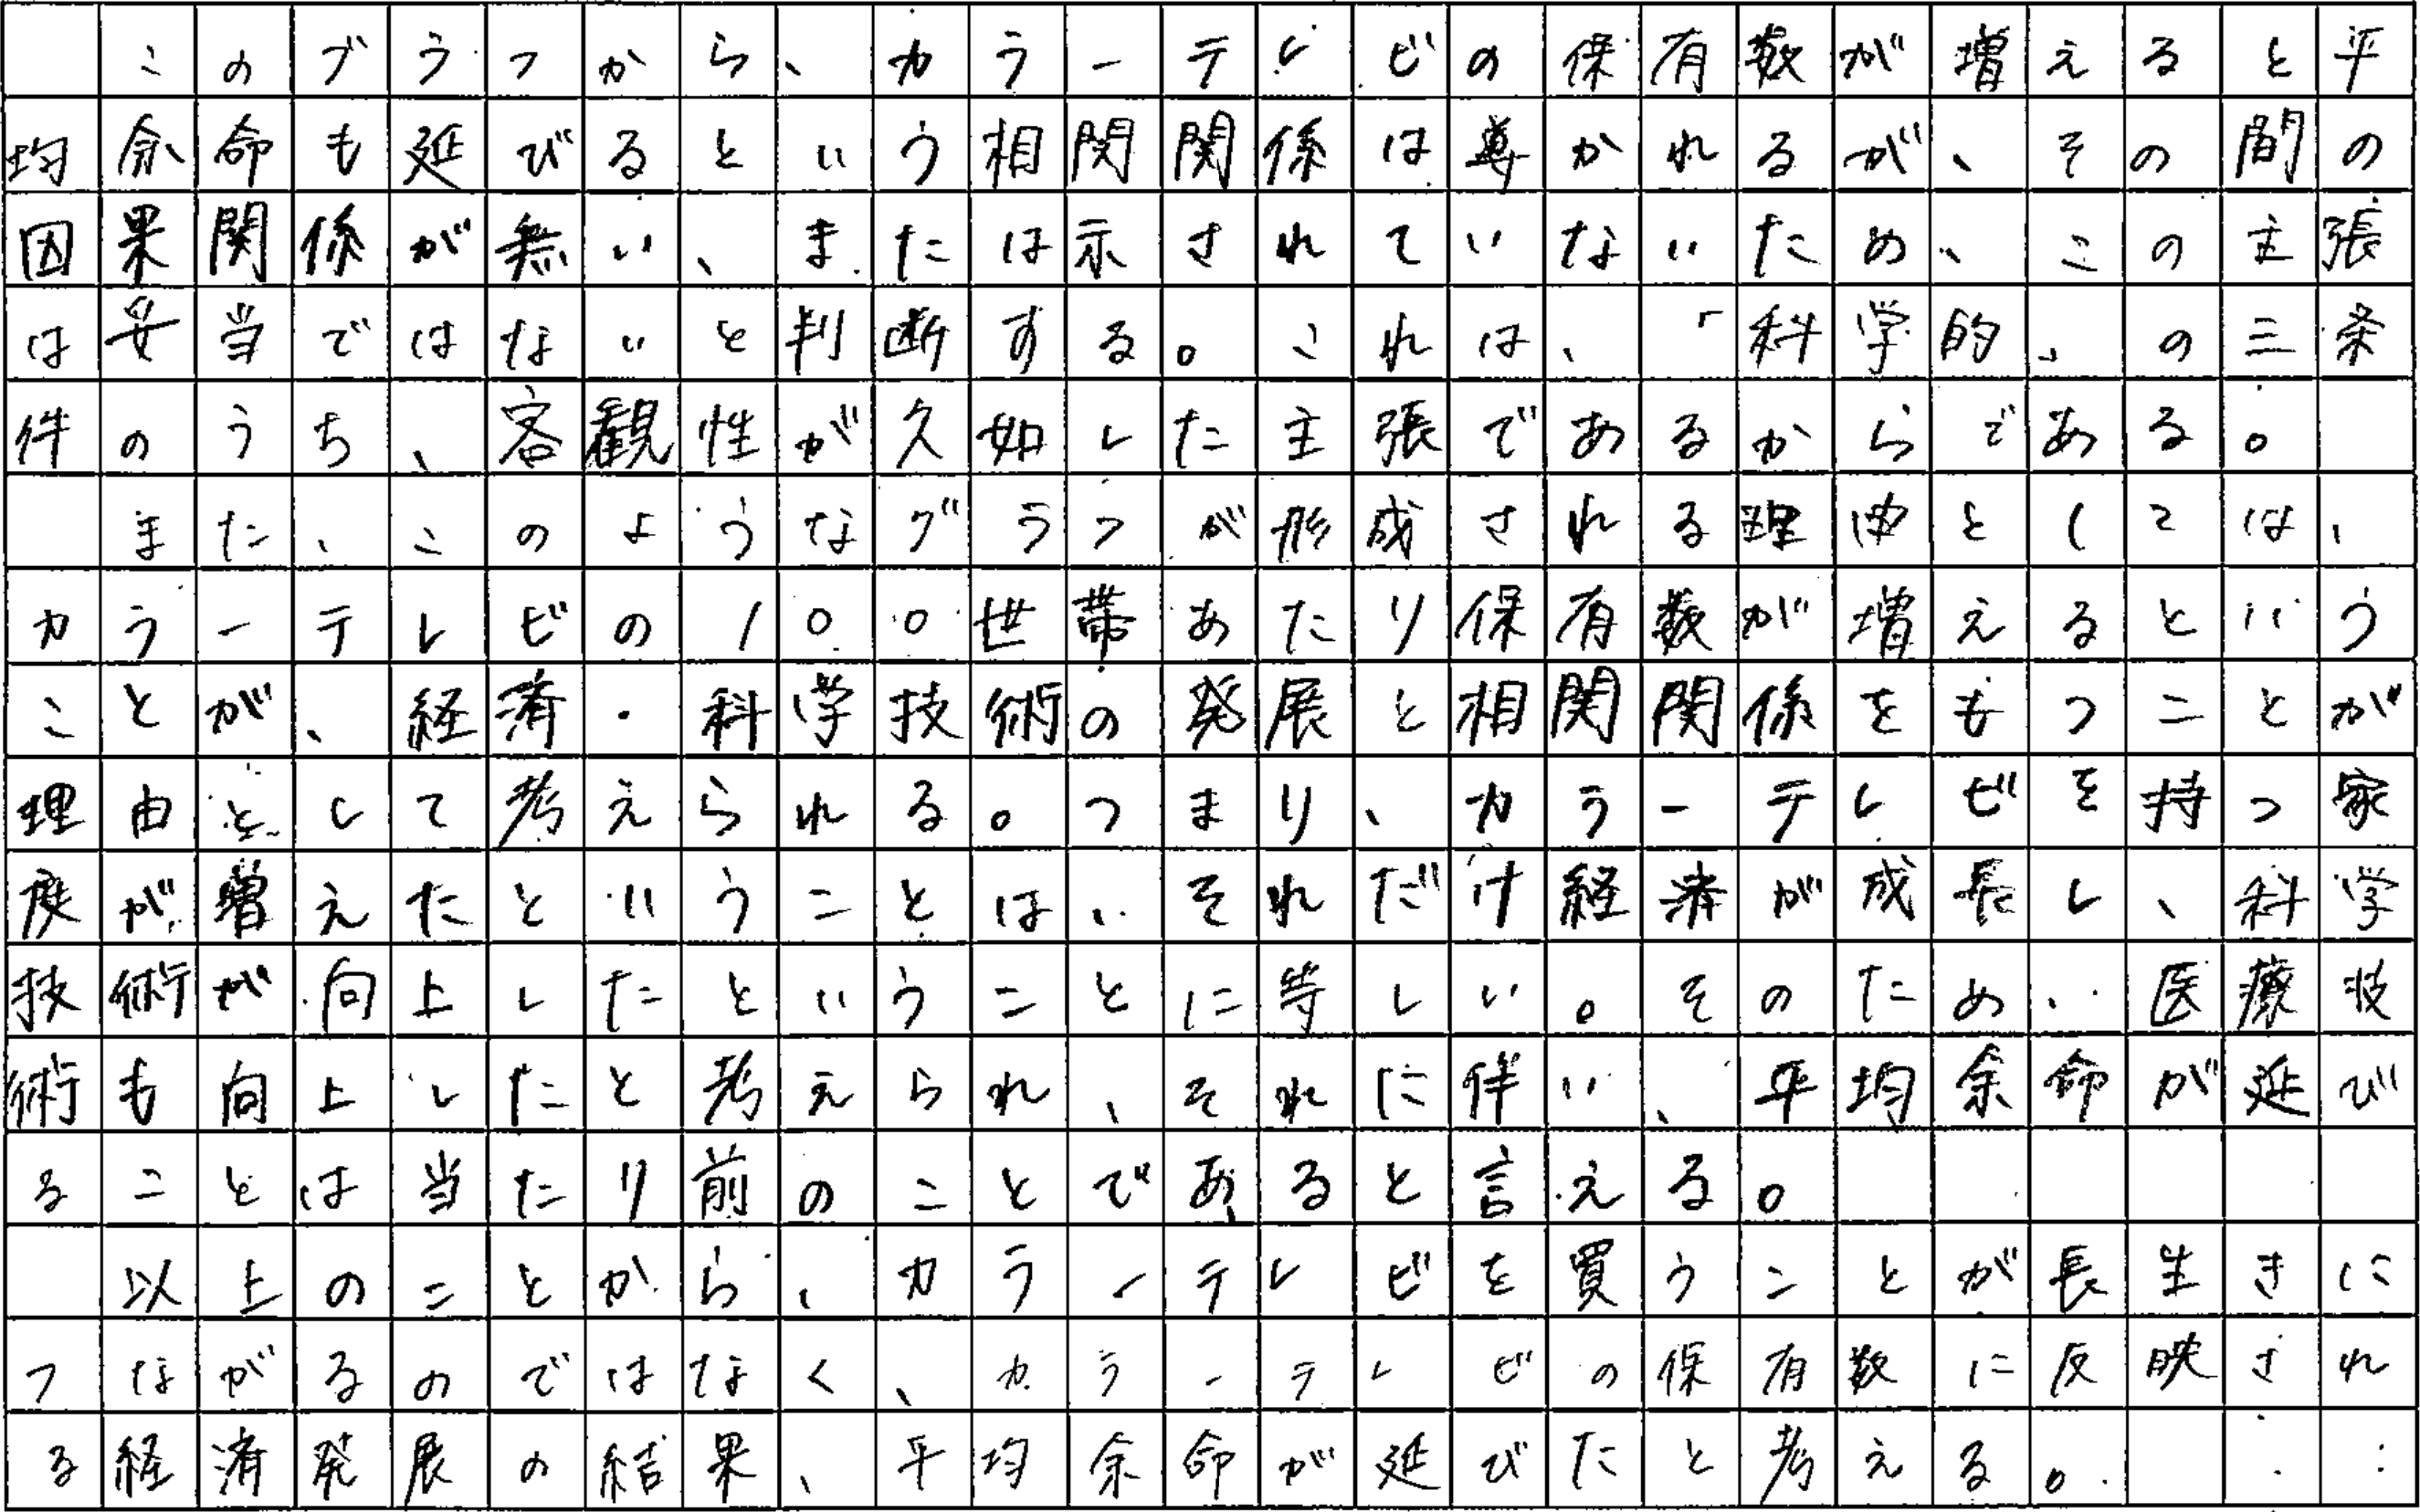　このグラフから、カラーテレビの保有数が増えると平均余命も延びるという相関関係は導かれるが、その間の因果関係が無い、または示されていないため、この主張は妥当ではないと判断する。これは、「科学的」の三条件のうち、客観性が久如した主張であるからである。
　また、このようなグラフが形成される理由としては、カラーテレビの１００世帯あたり保有数が増えるということが、経済・科学技術の発展と相関関係をもつことが理由として考えられる。つまり、カラーテレビを持つ家庭が増えたということは、それだけ経済が成長し、科学技術が向上したということに等しい。そのため、医療技術も向上したと考えられ、それに伴い、平均余命が延びることは当たり前のことであると言える。
　以上のことから、カラーテレビを買うことが長生きにつながるのではなく、カラーテレビの保有数に反映される経済発展の結果、平均余命が延びたと考える。
